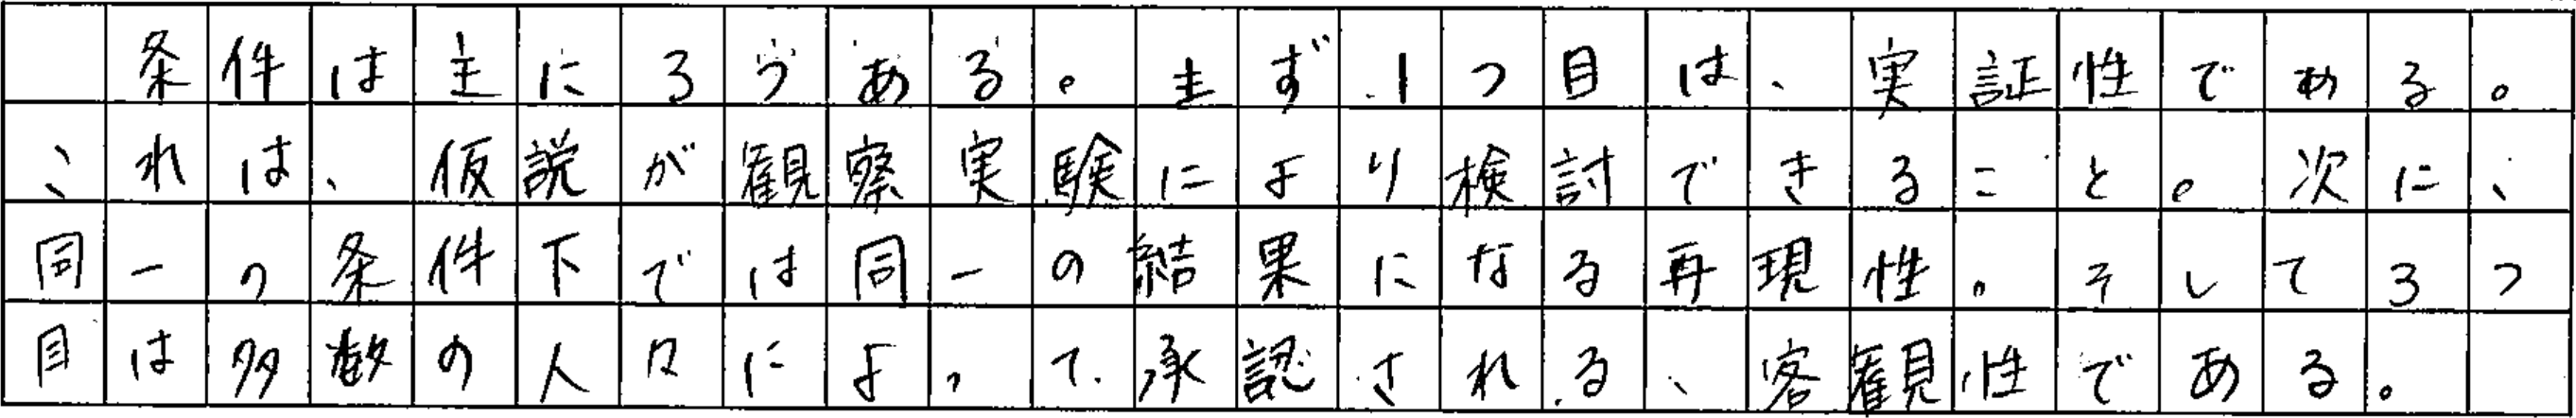　条件は主に３つある。まず１つ目は、実証性である。これは、仮説が観察実験により検討できること。次に、同一の条件下では同一の結果になる再現性。そして３つ目は多数の人々によって承認される、客観性である。
